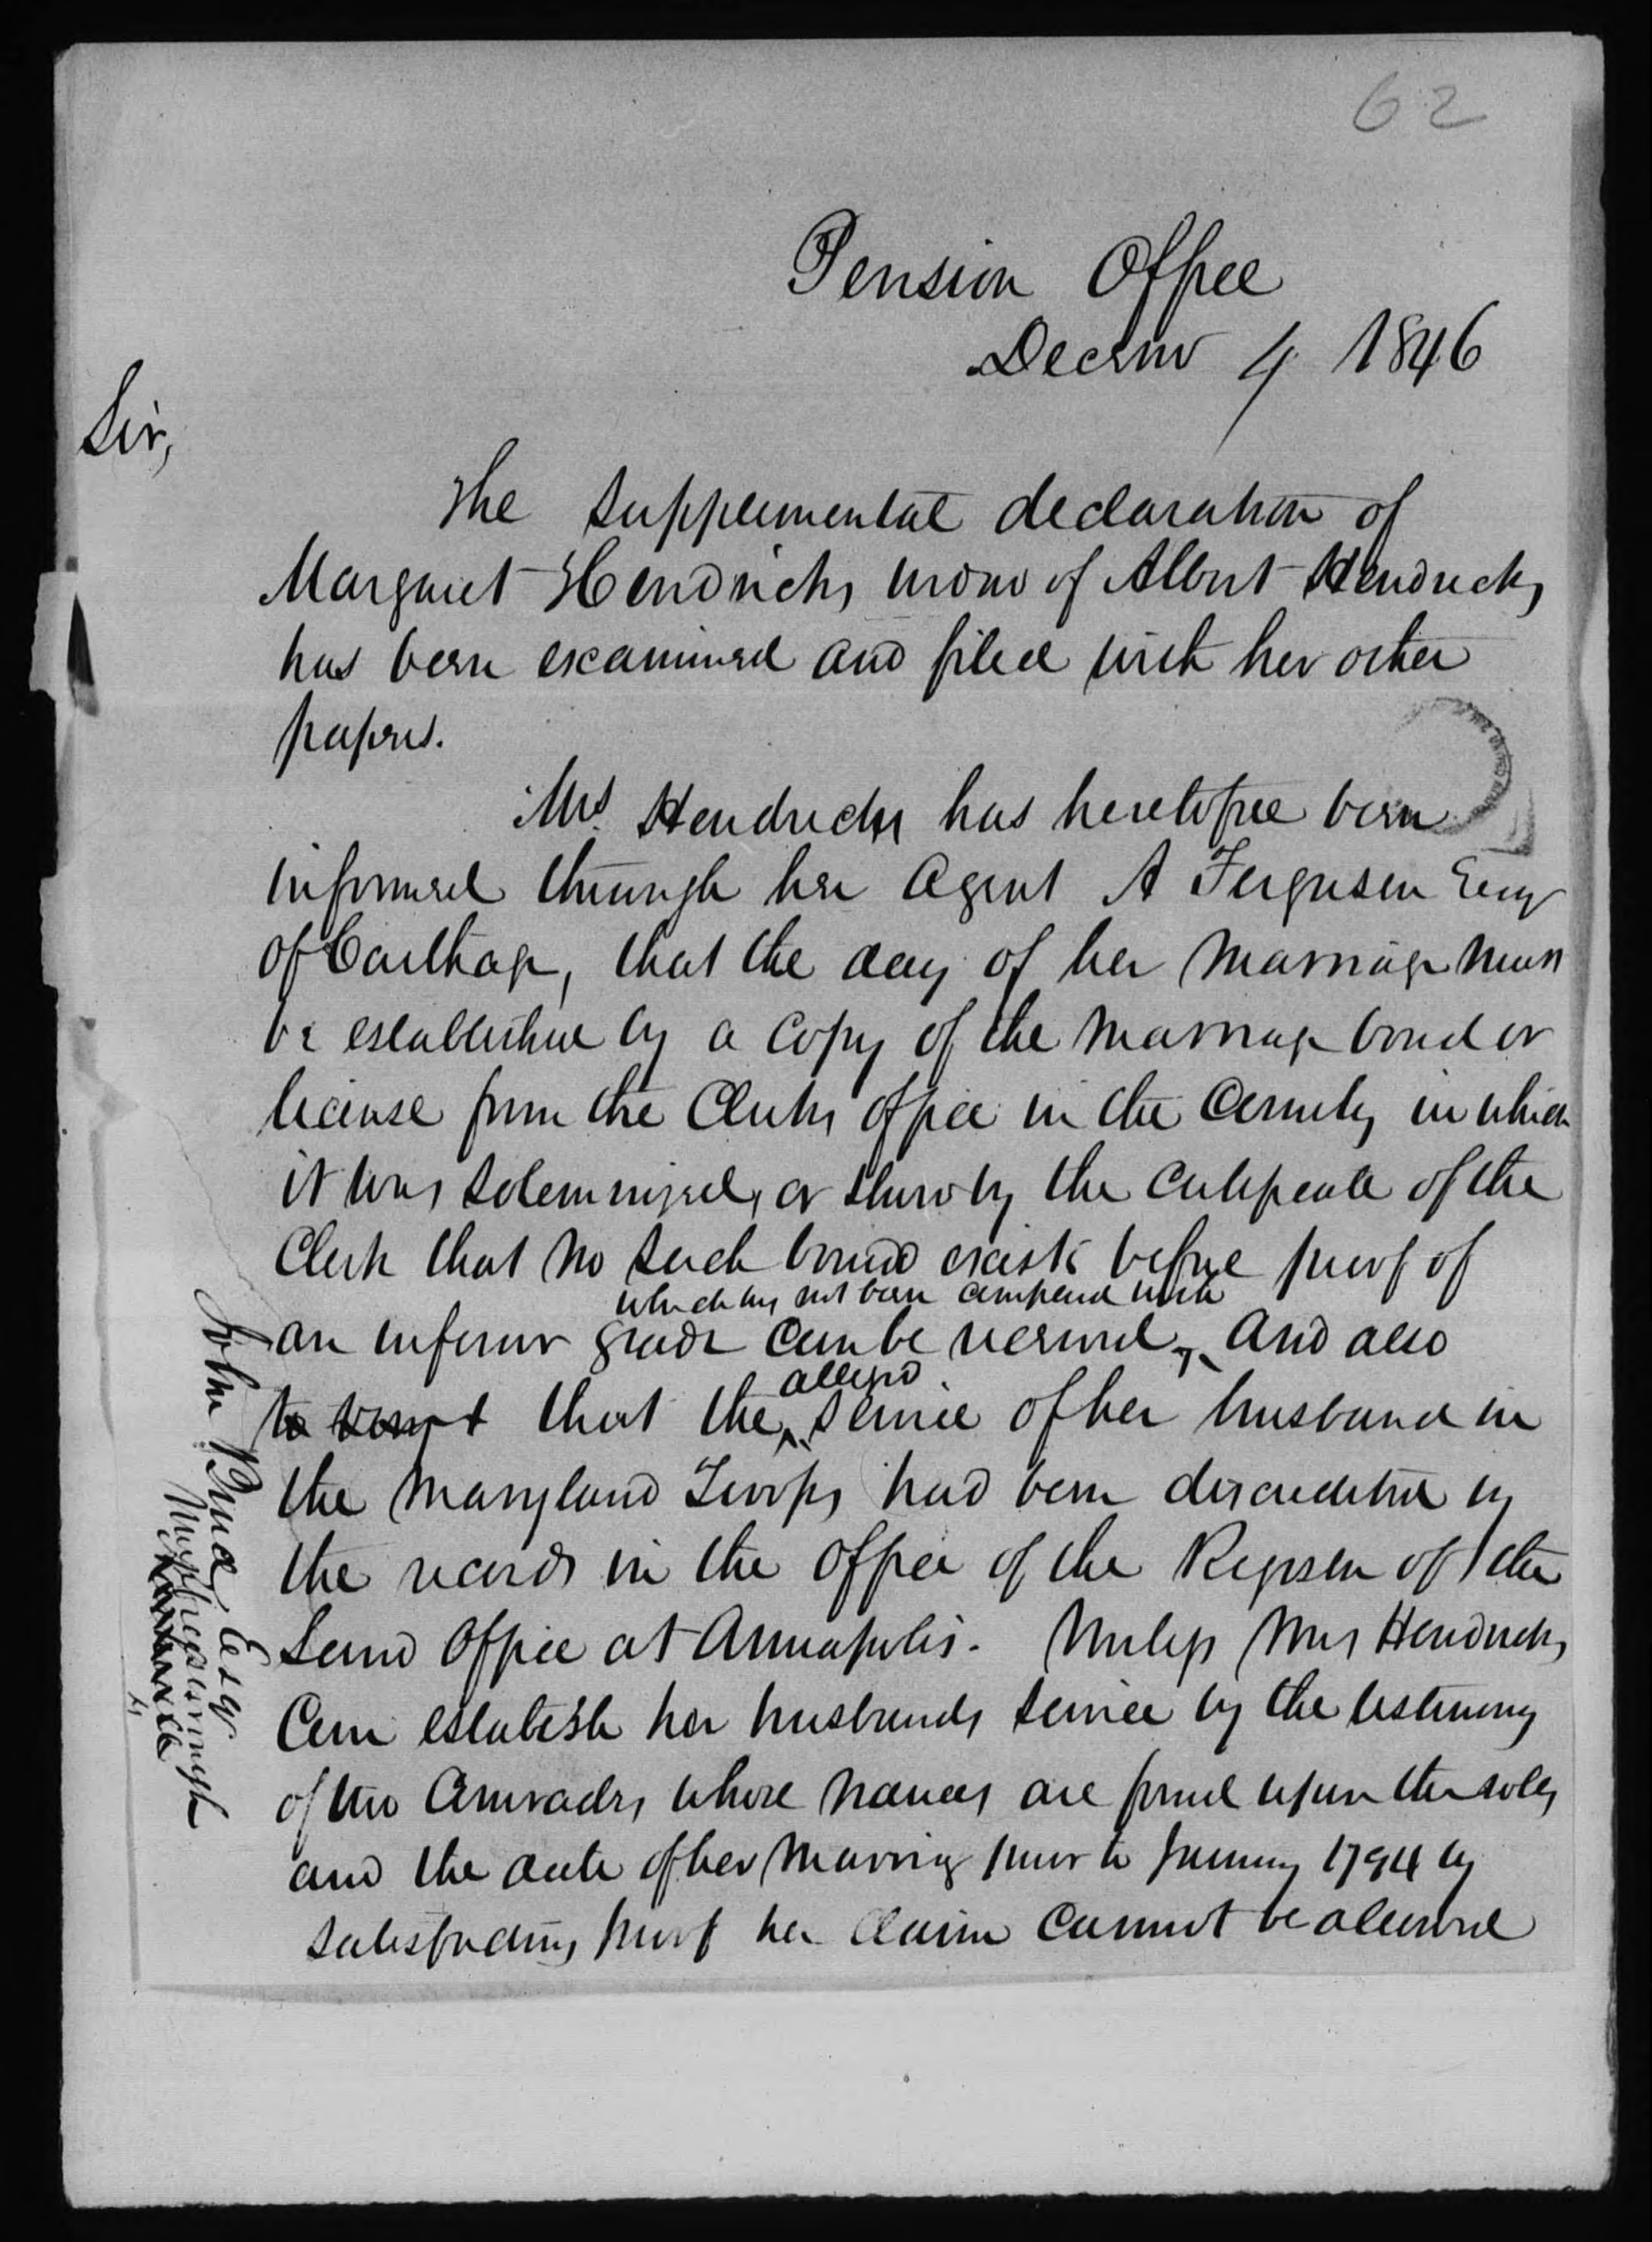62
Pension Office 
Decemr 4 1846

Sir,

The supplemental declaration of 
Margaret Hendricks widow of Albert Hendricks 
has been examined and filed with her other papers.
[Circular stamp National Archives]
THE NATIONAL ARCHIVES OF THE UNITED STATES

Mrs. Hendricks has heretofore been 
informed through her agent A Ferguson Esqr
of Carthage, that the day of her marriage must 
be established by a copy of the marriage bond or 
license from the clerk's office in the county in which 
it was solemnized, or shown by the certificate of the 
clerk that no such bond exists before proof of 
an informed [illegible] can be returned which by act been 
complied with. And also 
[words struck out] that the alleged service of her husband in 
the Maryland troops had been discredited by 
the records in the office of the Register of the 
Land Office at Annapolis.  Unless Mrs Hendricks 
can establish her husbands service by the testimony 
of the Commanders whose names are found upon the rolls 
and the date of her marriage prior to January 1794 by 
satisfactory proof her claim cannot be allowed 
[written vertically left margin]
John Bruce Esqr
Murfreesborough
[word struck out]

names: John Bruce, Albert Hendricks, Margaret Hendricks, A Ferguson, Hendricks, Hendricks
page: 61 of 76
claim: widow's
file: W. 83, Albert Hendricks, Continental Md. N.C.